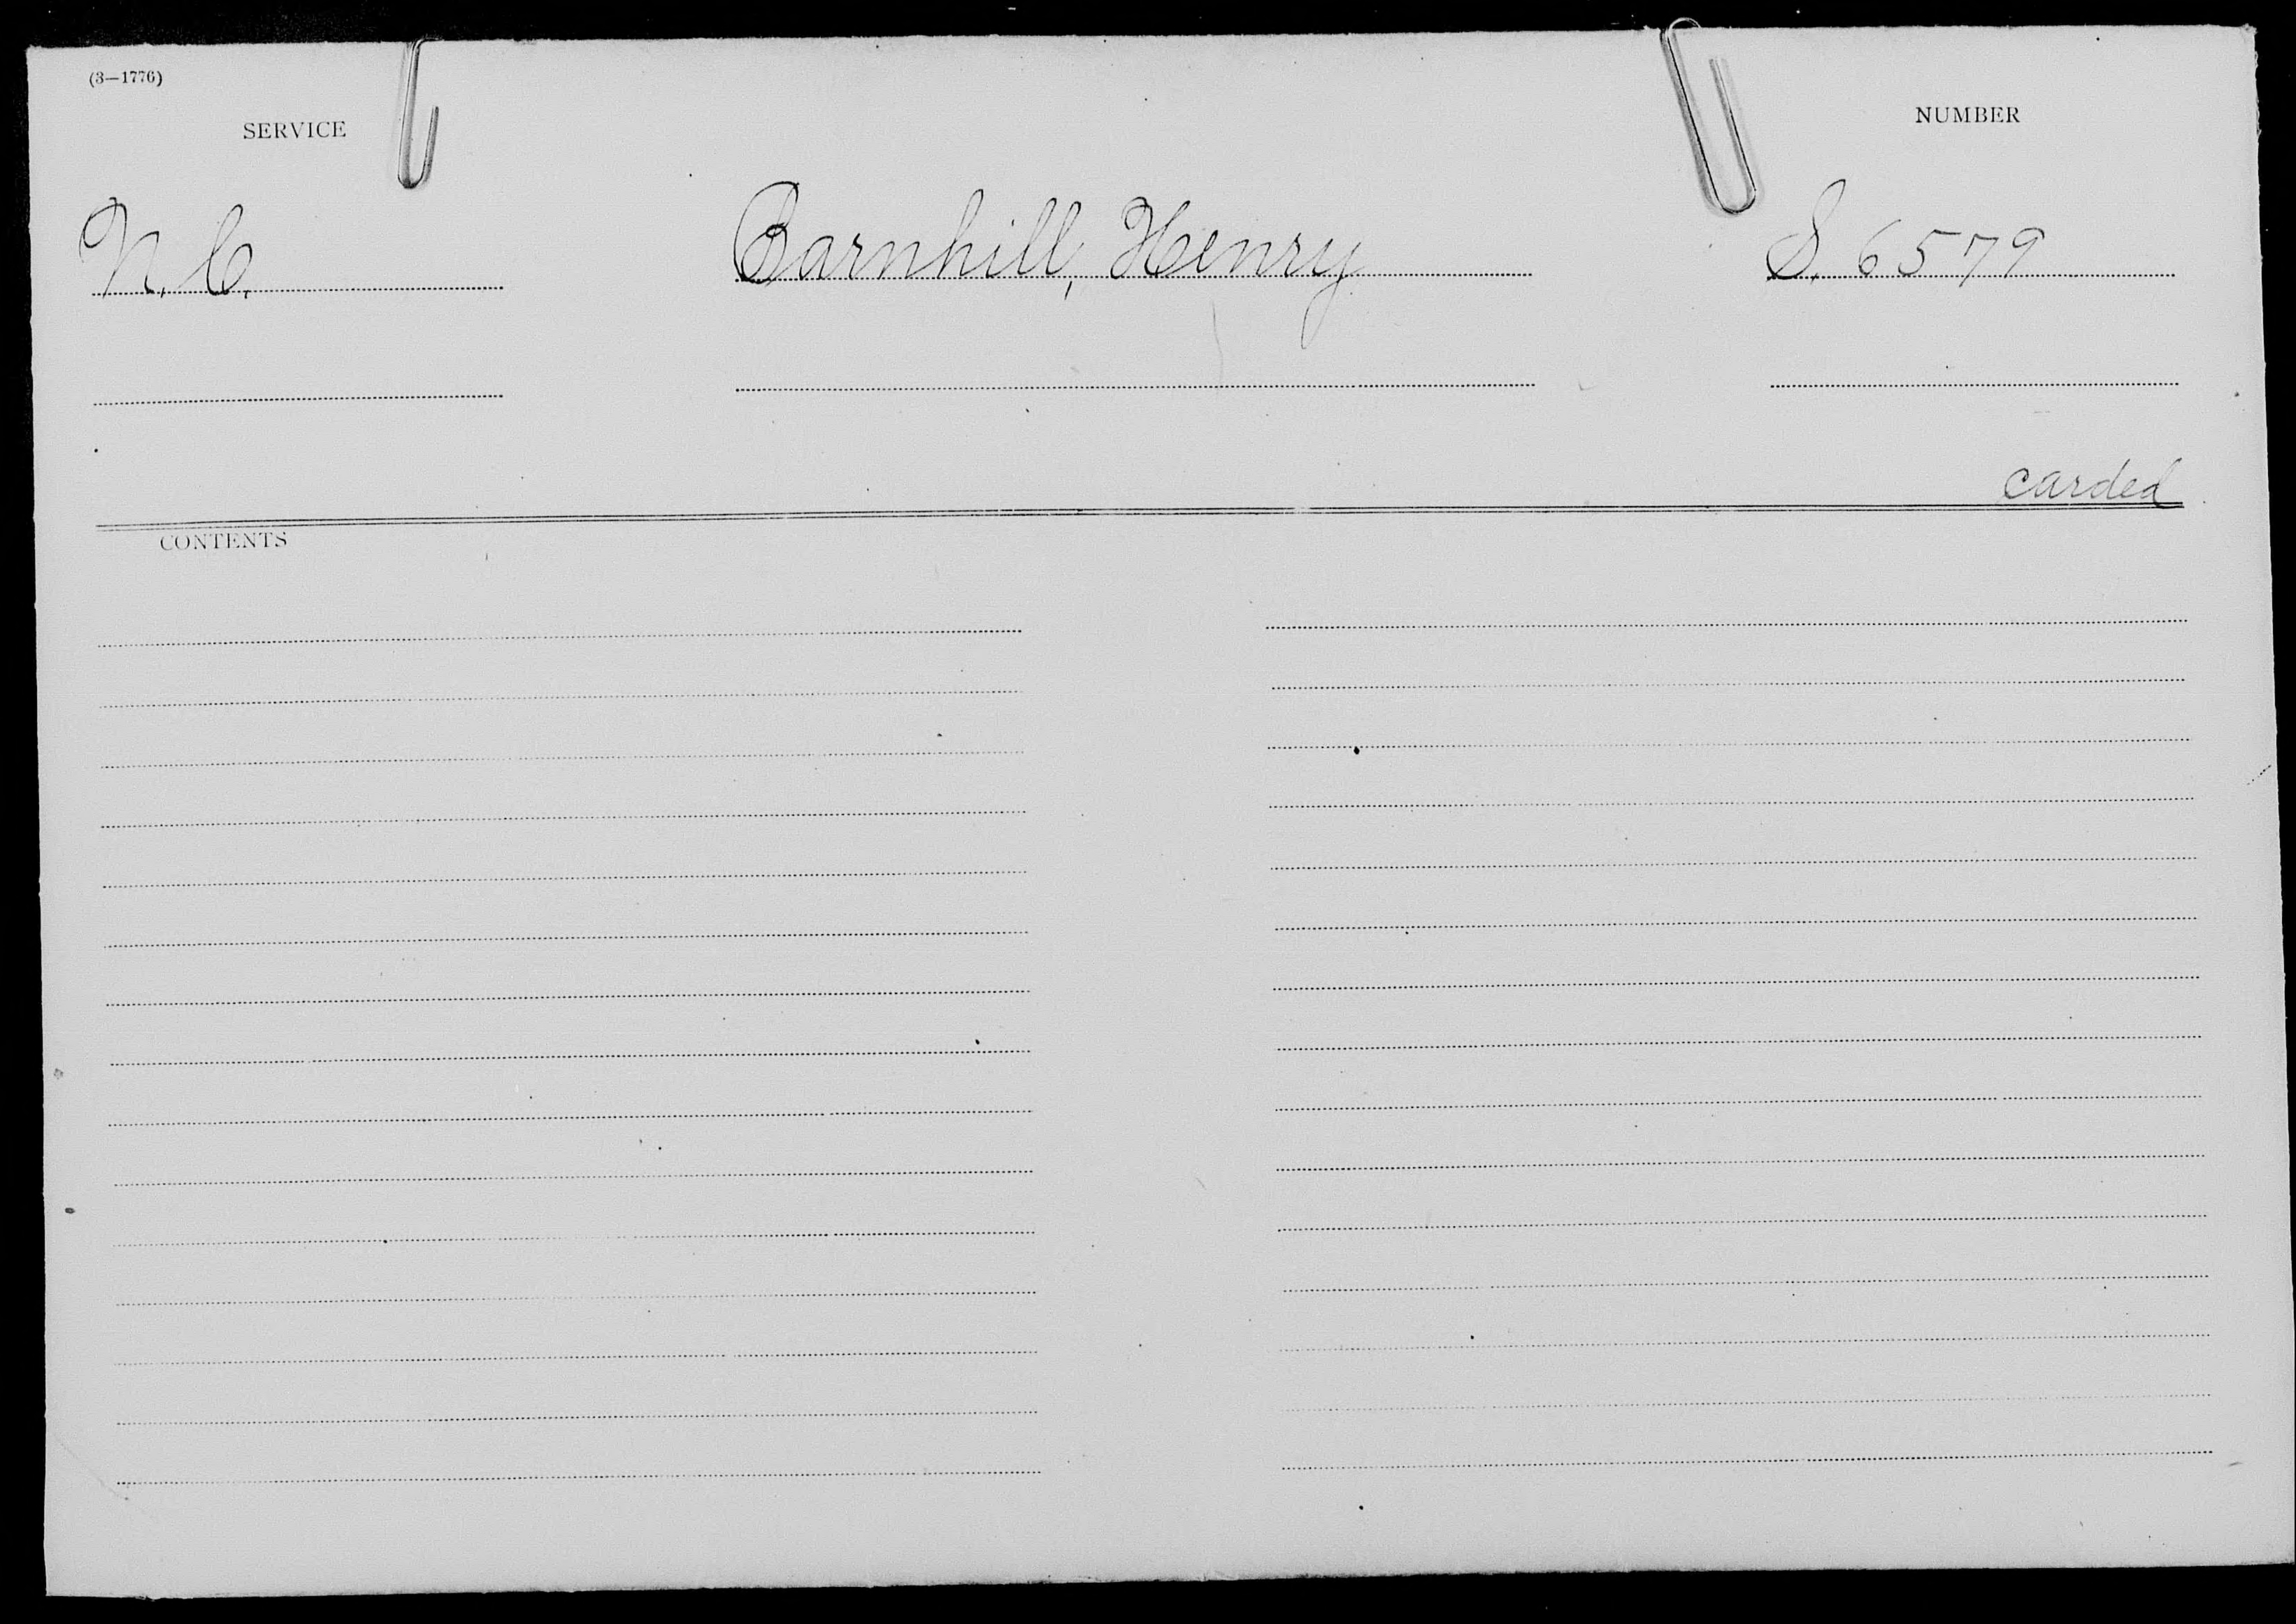(3-1776)
SERVICE  N.C.
Barnhill, Henry
NUMBER   S.6579

carded
_______________________
CONTENTS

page: 1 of 42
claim: survivor's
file: S. 6579, Henry Barnhill, N. C.